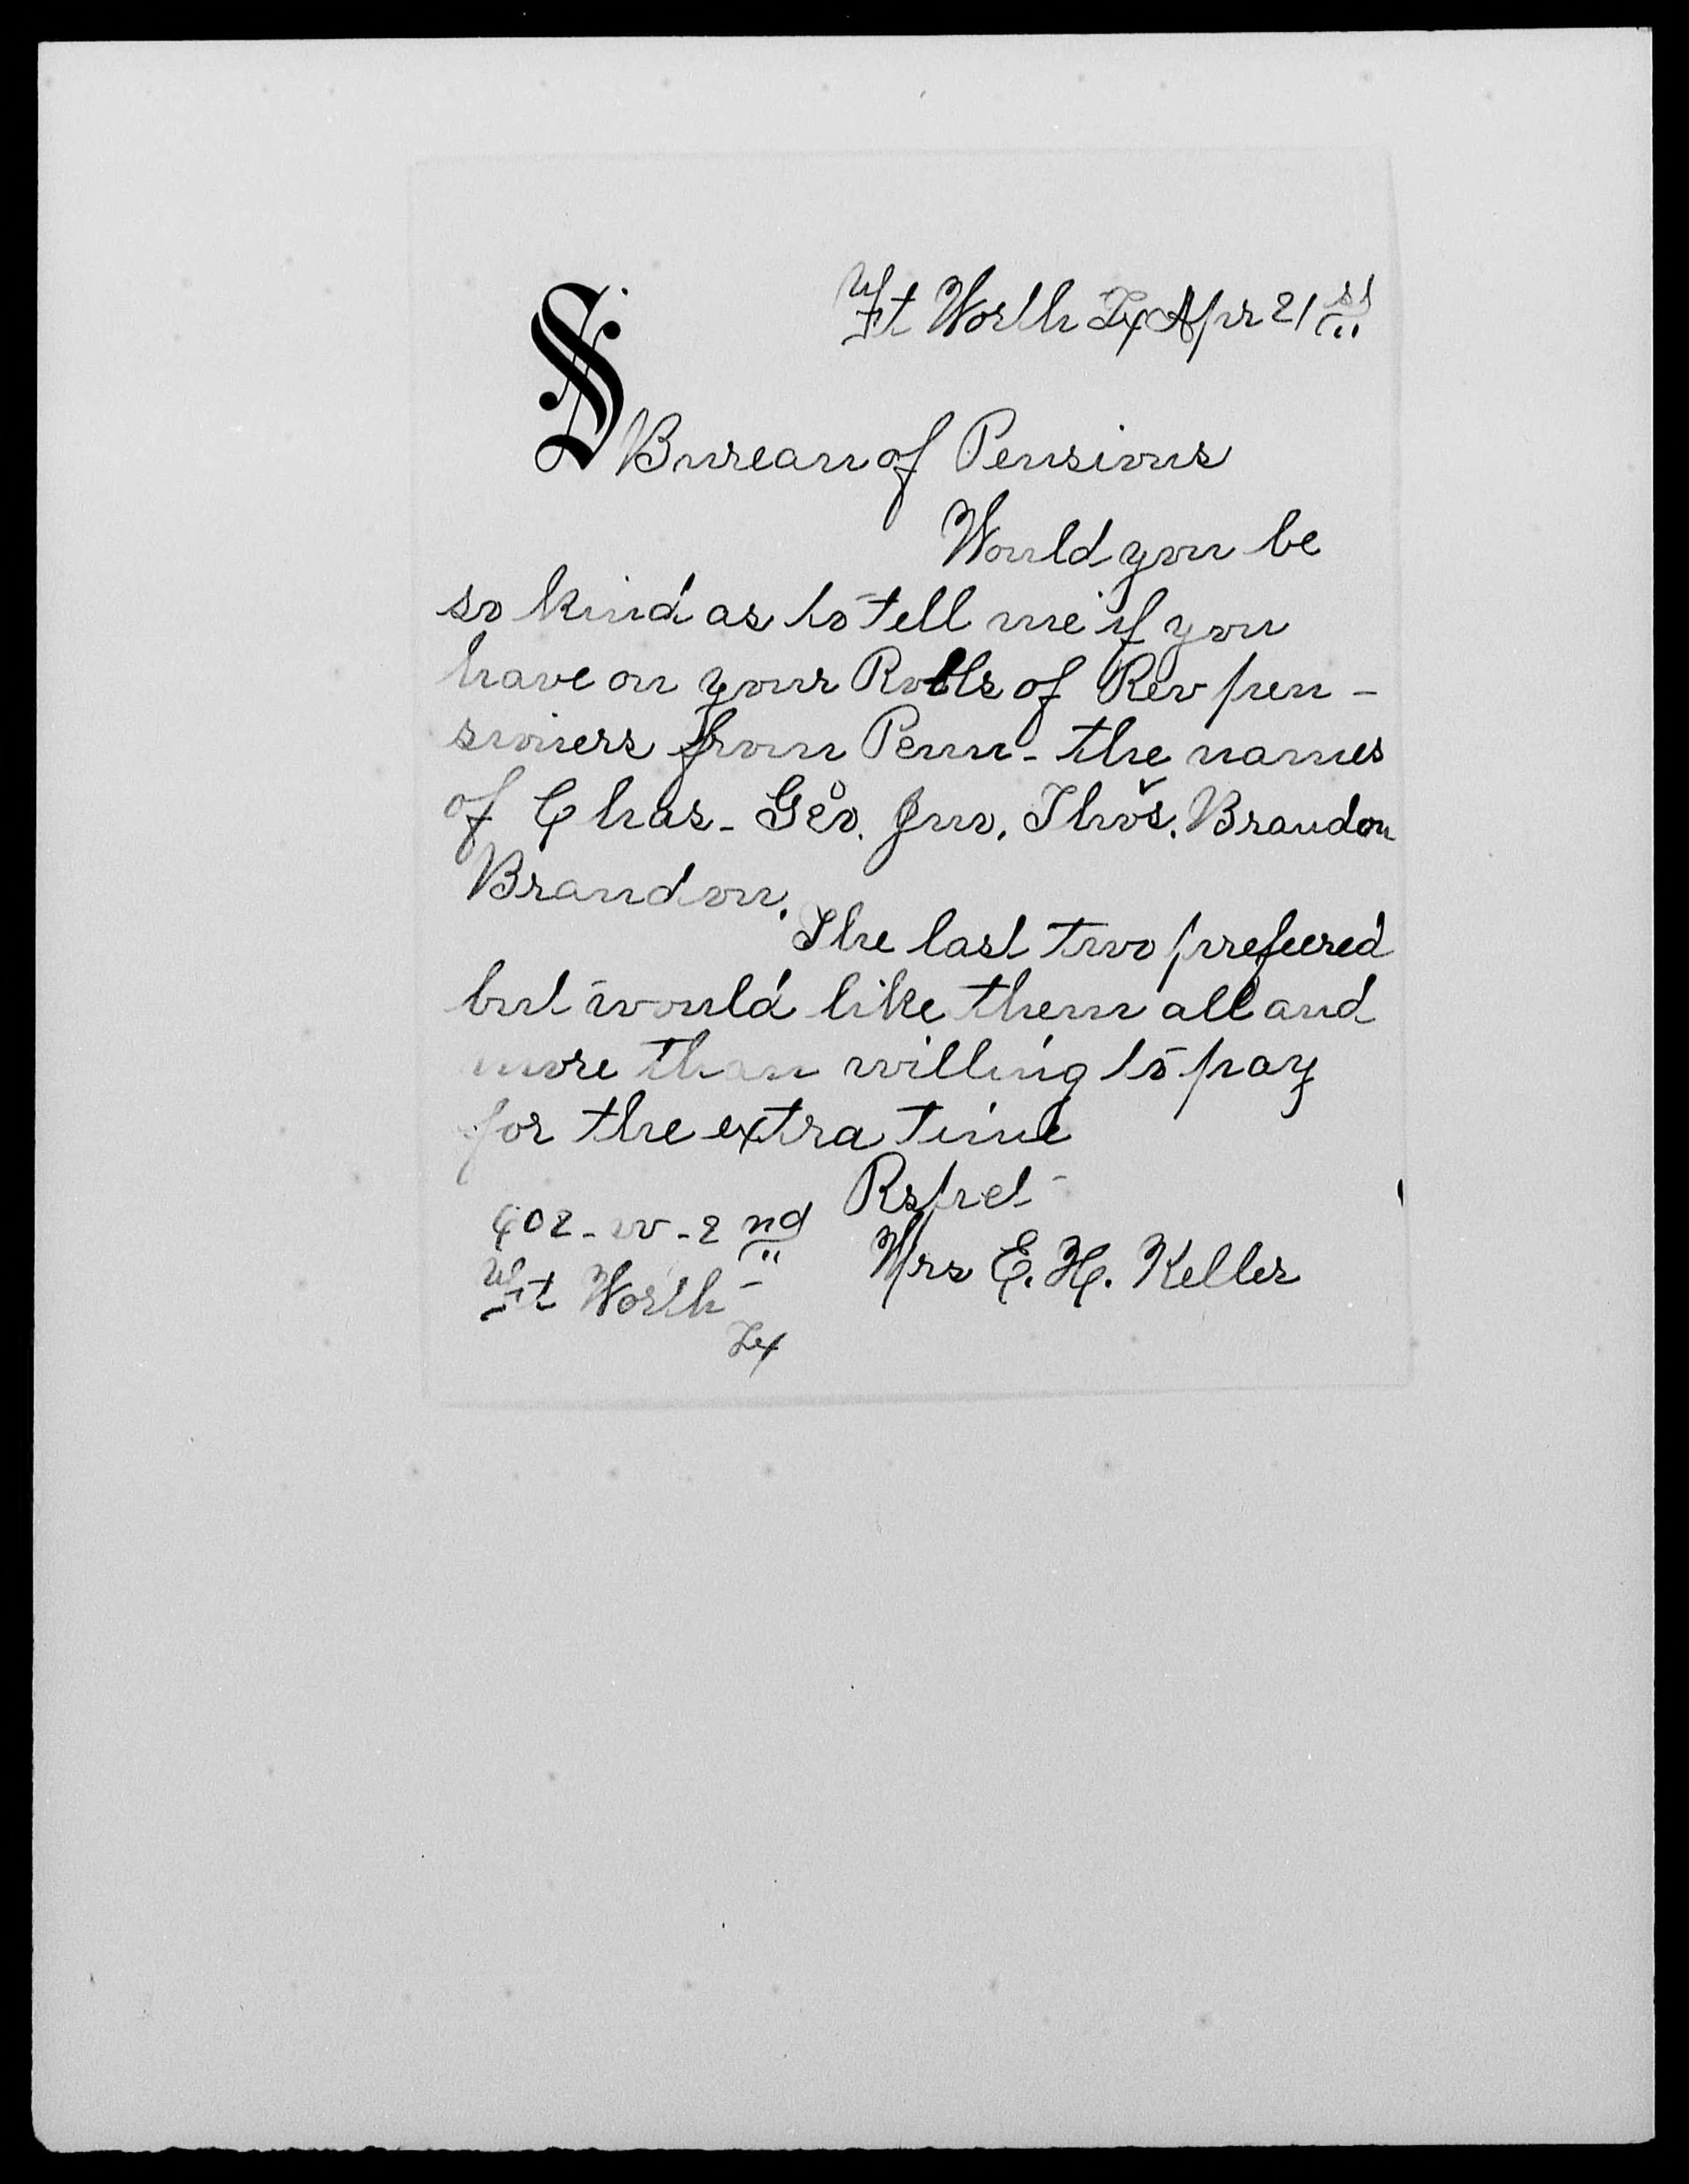Ft Worth Tx Apr 21st

Bureau of Pensions
Would you be so kind as to tell me if you have on your Rolls of Rev pensioners from Penn, the names of Chas. Geo. Jon. Thos. Brandon Brandon.
The last two preferred but would like them all and more than willing to pay for the extra time
Rspet-
Mrs E. H. Keller

602 - w(maybe "on", writer tends to make that word look like this)- 2nd St
Ft Worth-
Tx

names: Brandon, Thos Brandon, Geo Brandon, E H Keller, Chas Brandon, Jno Brandon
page: 67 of 83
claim: widow's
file: W. 5946, John Brandon, Penn